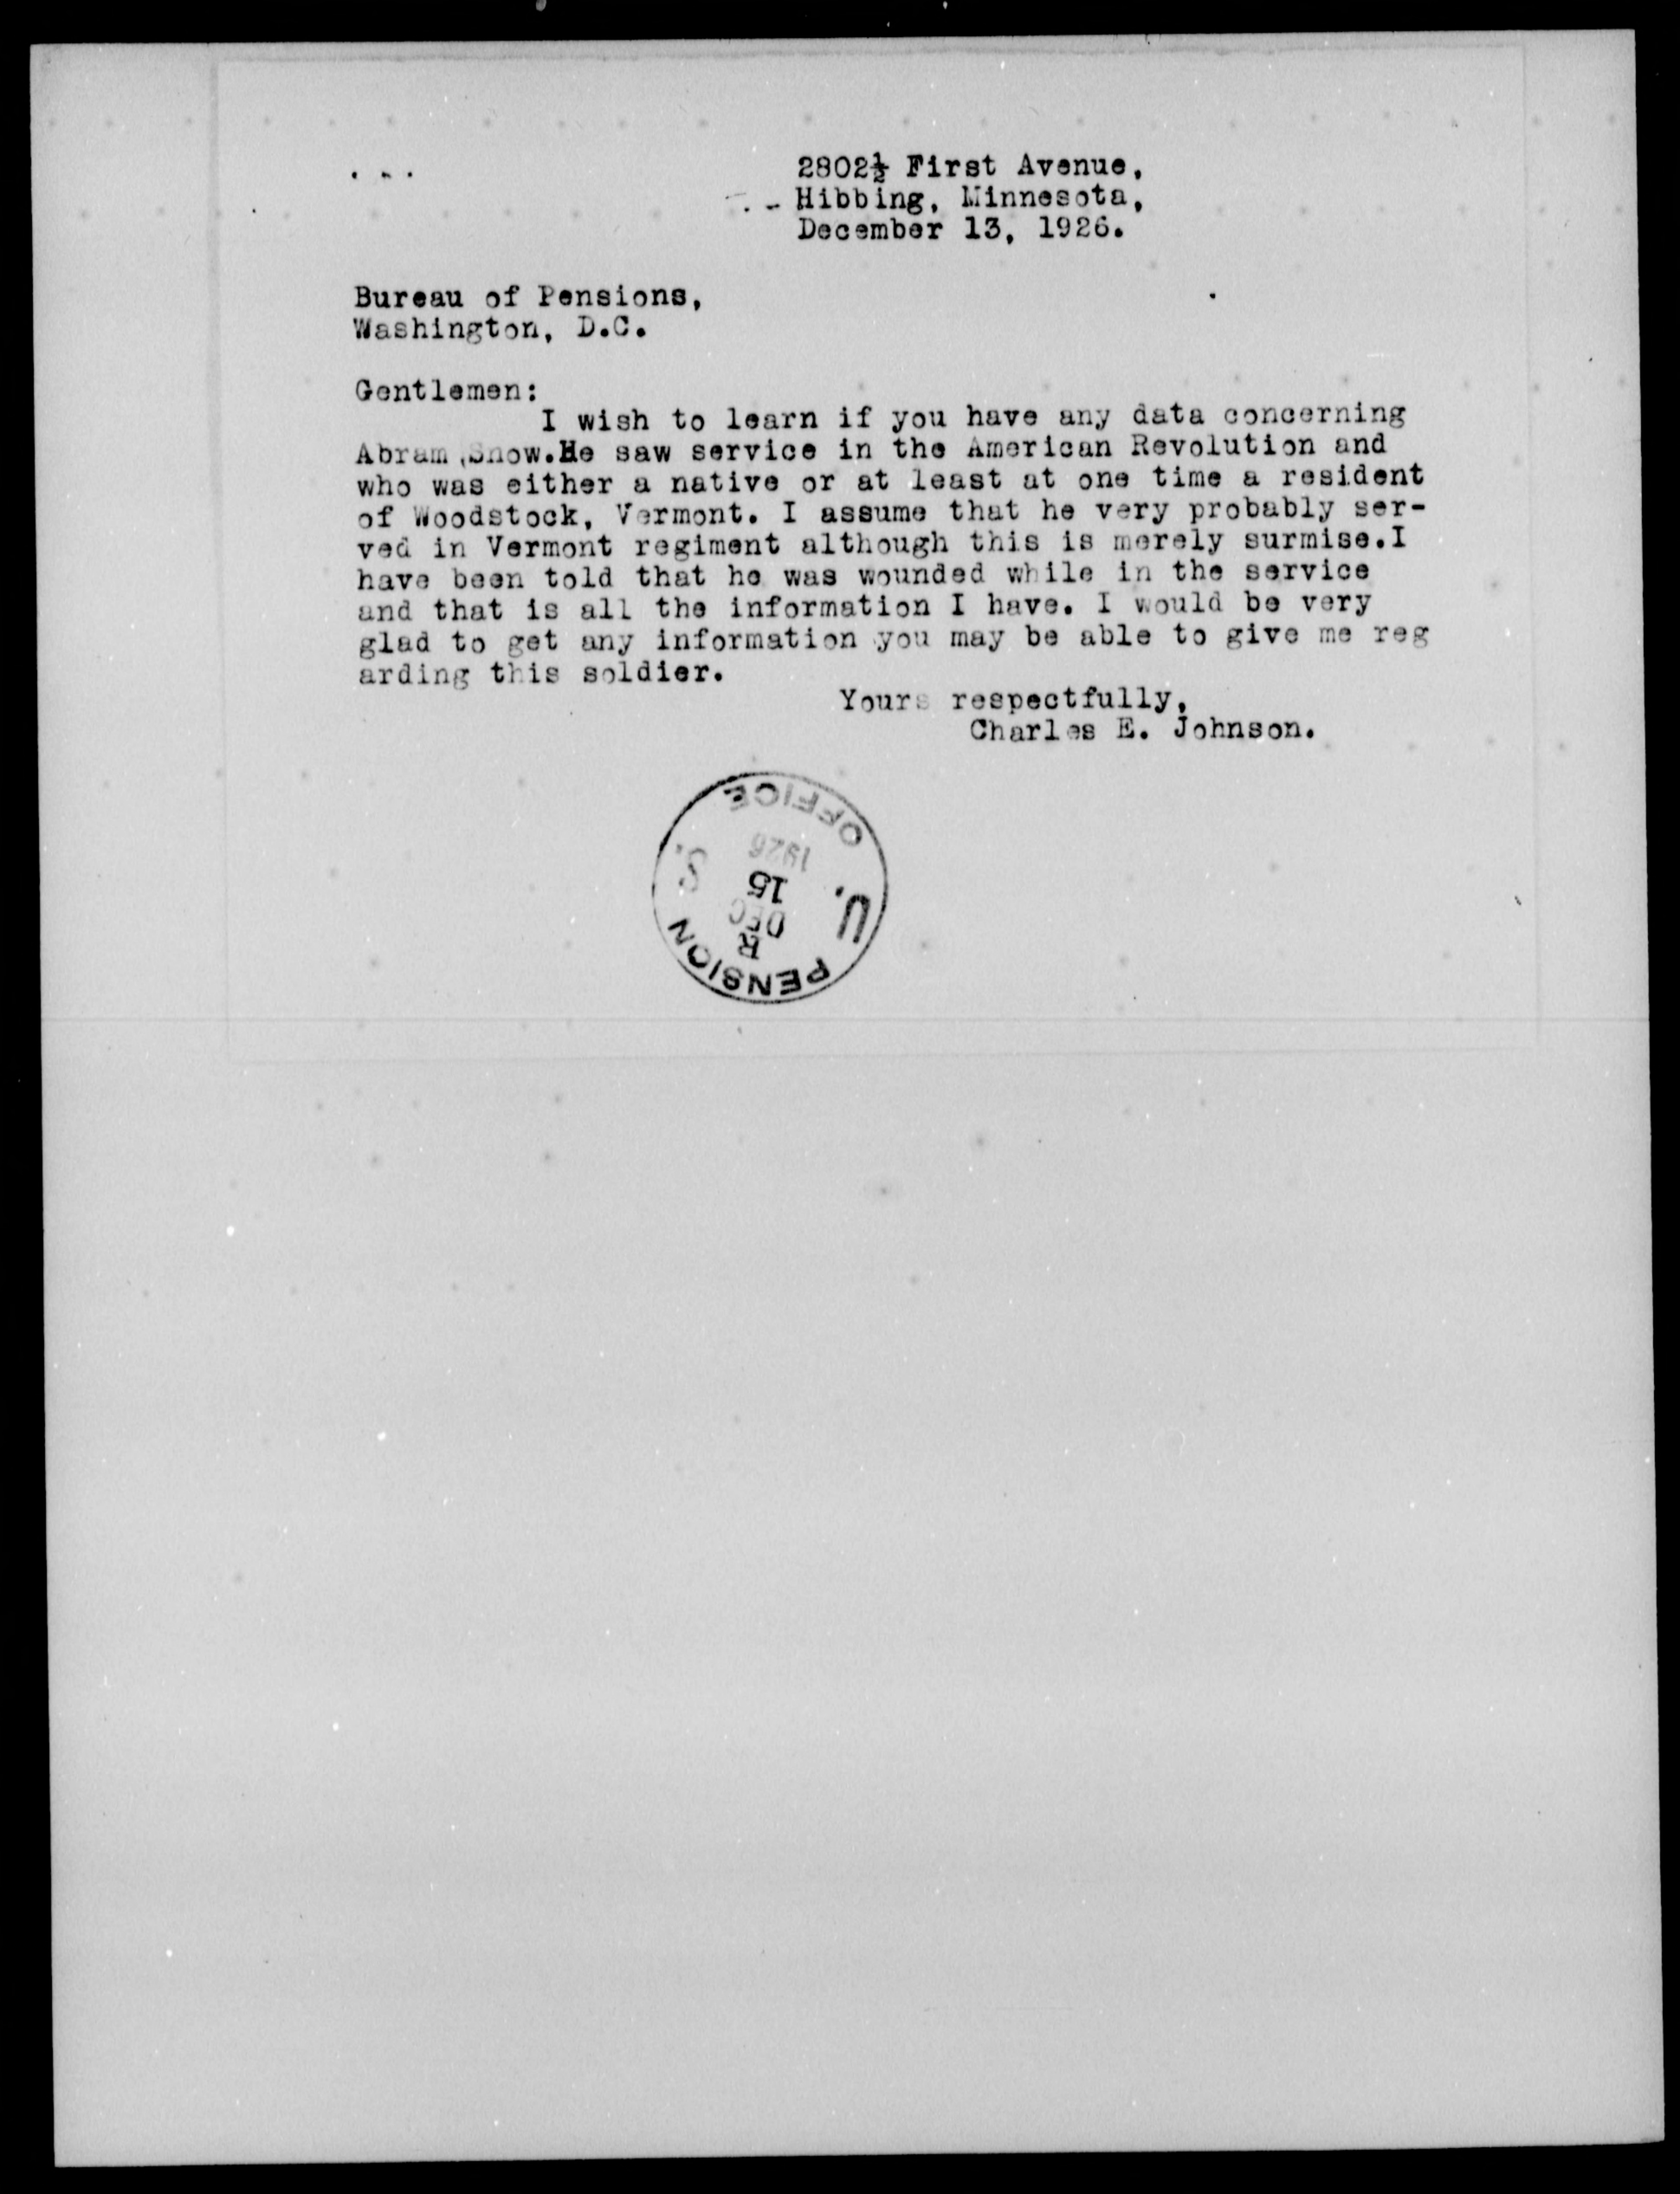2802 1/2 First Avenue,
Hibbing, Minnesota,
December 13, 1926

Bureau of Pensions,
Washington, D.C.

Gentlemen:
I wish to learn if you have any data concerning Abram Snow. He saw service in the American Revolution and who was either a native or at least at one time a resident of Woodstock, Vermont. I assume that he very probably served in Vermont regiment although this is merely surmise. I have been told that he was wounded while in the service and that is all the information I have. I would be very glad to get any information you may be able to give me regarding this soldier.

Yours respectfully,
Charles E. Johnson.

[The stamp of the 1926 Pensioner's Office]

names: Abram Snow; Charles E Johnson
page: 45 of 46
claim: widow's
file: W. 504, for Abraham Snow, Connecticut